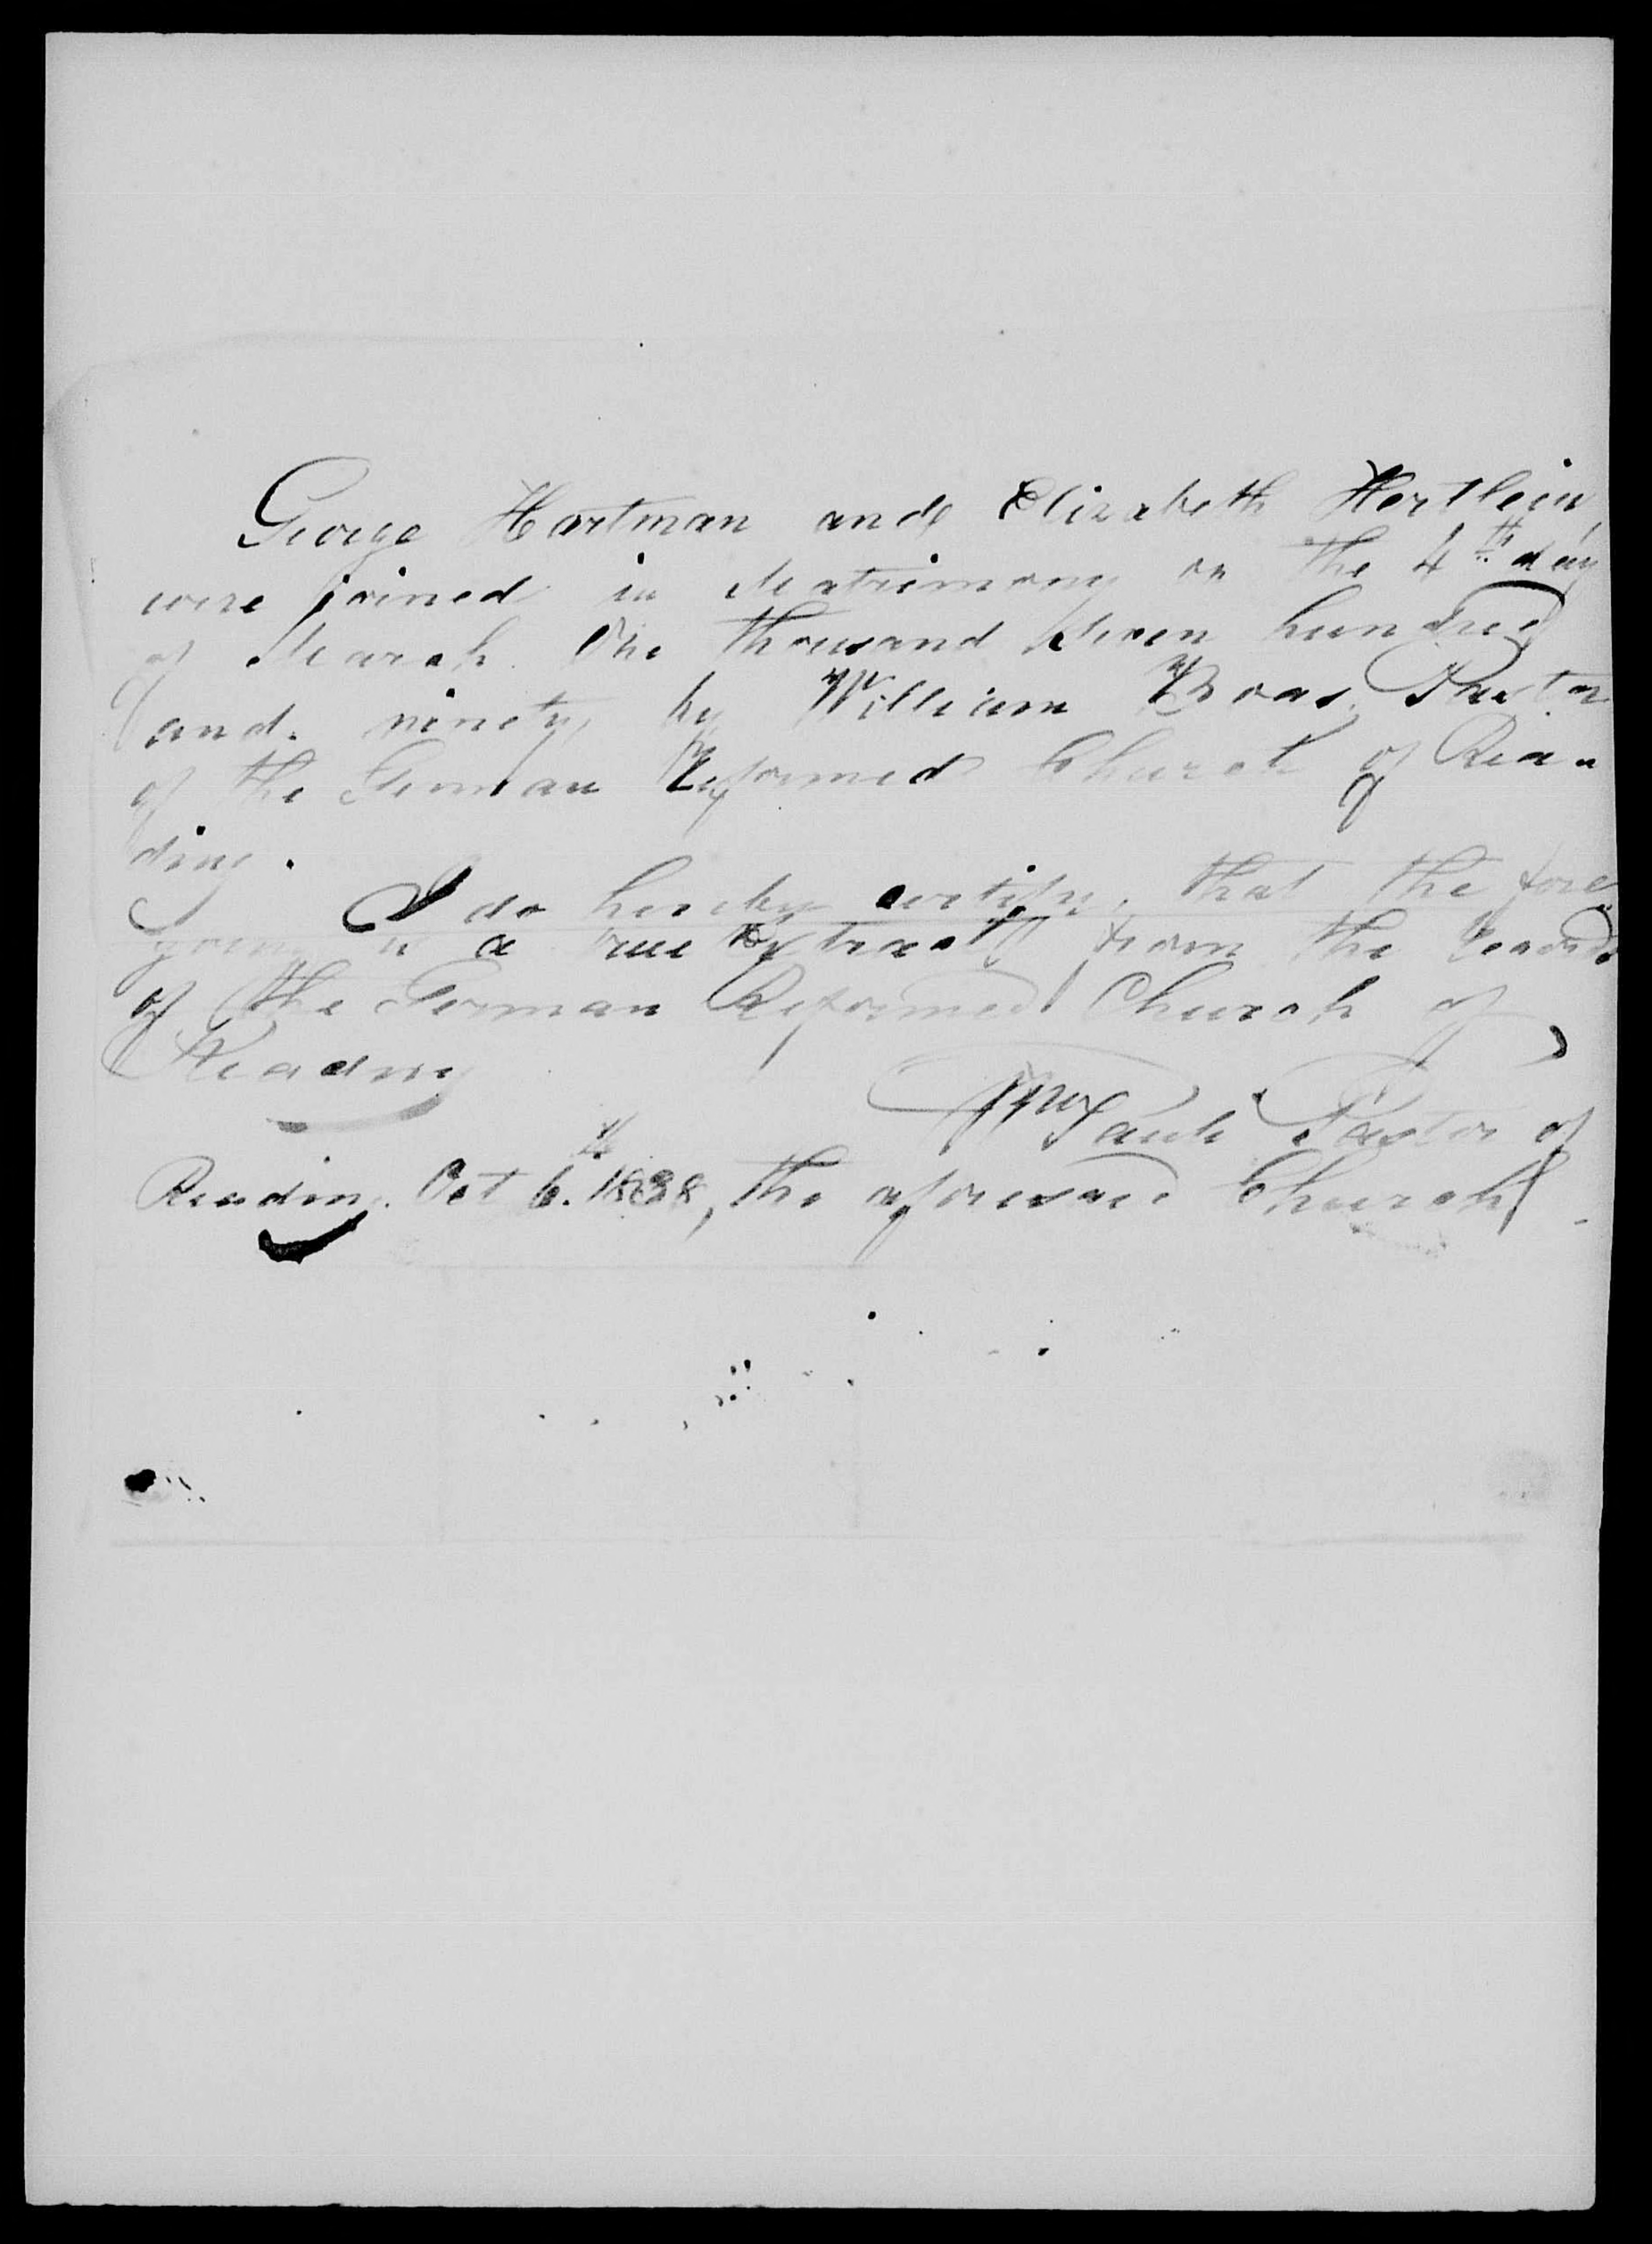George Hartman and Elizabeth Hertlein
were joined in matrimony on the 4th day
of March One thousand seven hundred
and ninty by William Boas Pastor
of the German Reformed Church of Reading.
I do hereby certify that the foregoing
is a true [illegible] from the [illegible] 
of the German Reformed Church of
Reading
Wm Pauli Pastor of
Reading. Oct 6th 1838, the aforesaid Church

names: Elizabeth Hertlein, Wm Pauli, William Boas, George Hartman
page: 15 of 29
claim: widow's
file: W. 2,789, George Hartman, New Jersey